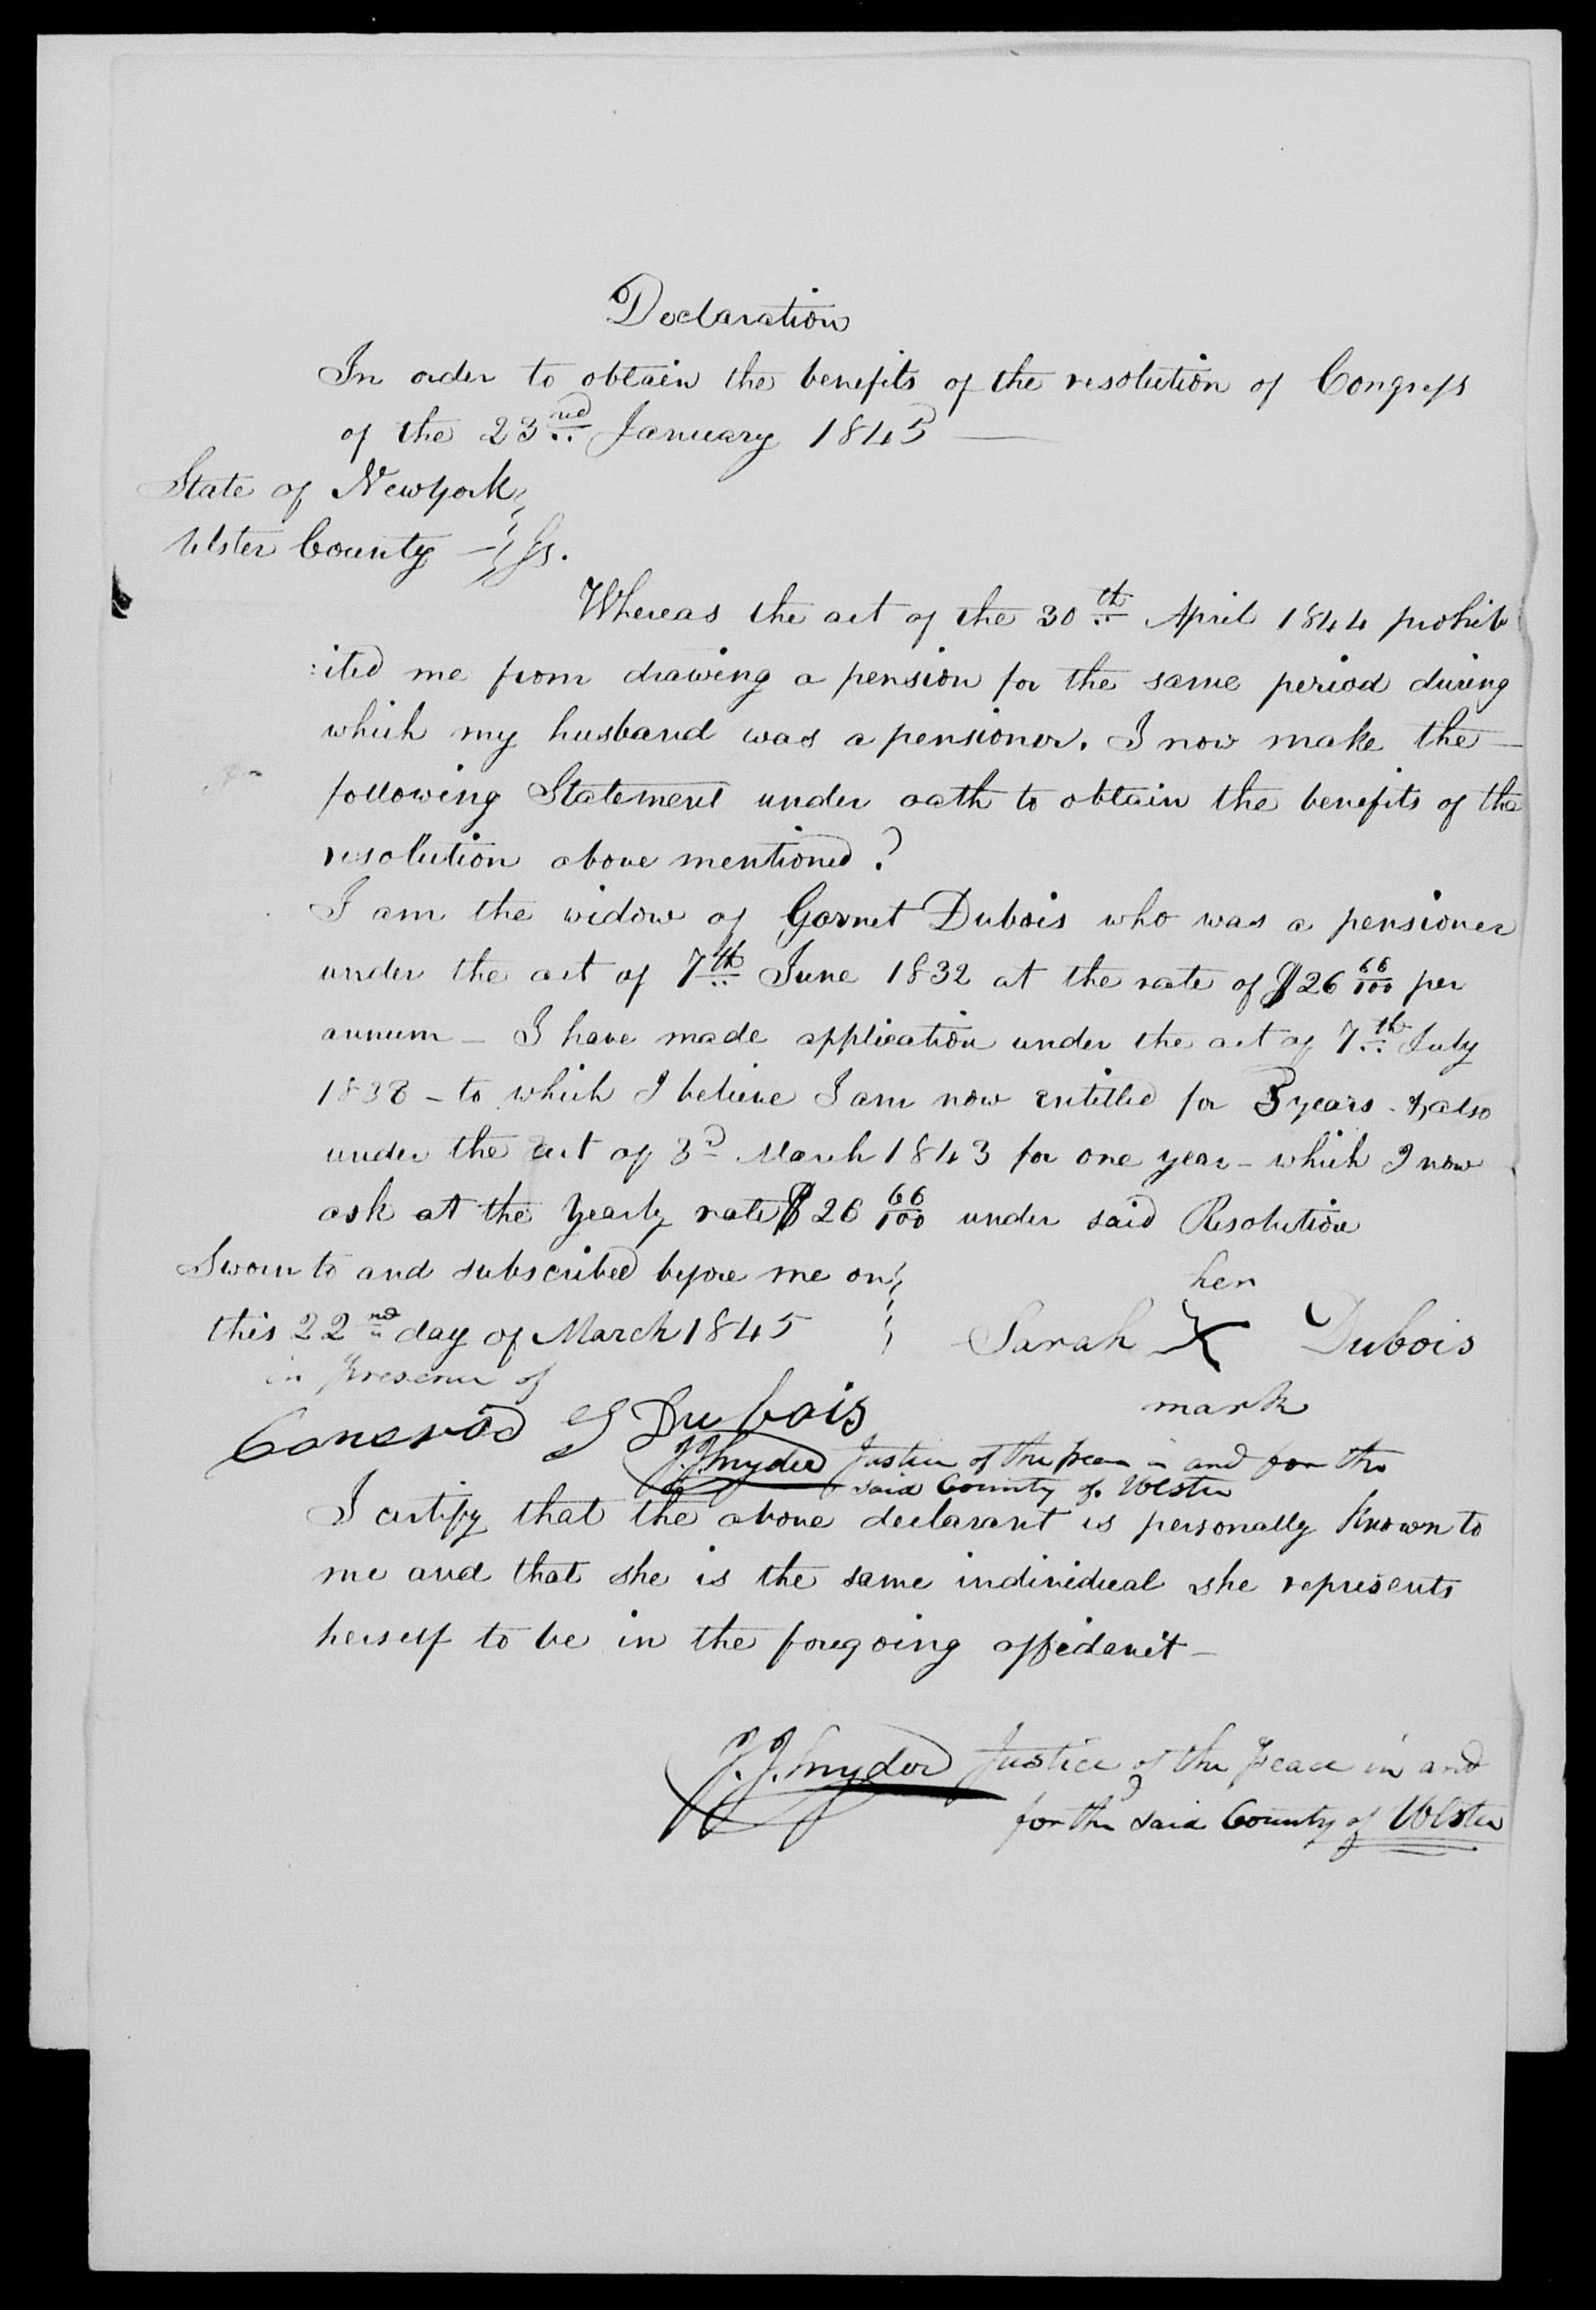Declaration
In order to obtain the benefits of the resolution of Congress of the 23rd January 1843
-
State of New York,
Ulster County} ss
Whereas the act of the 30th April 1844 prohibited me from drawing a pension for the same period during which my husband was a pensioner. I now make the following Statement under oath to obtain the benefits of the resolution above mentioned?
I am the widow of Garnet Dubois who was a pensioner under the act of 7th June 1832 at the rate of $26 66/100 per annum - I have made application under the act of 7th July 1838, to which I believe I am now entitled for 3 years & also under the act of 3d March 1843 for one year, which I now as at the yearly rate $26 66/00 under said Resolution
[signed] Sarah her X mark Dubois

Sworn to and subscribed before me on this 22nd day of March 1845
in presence of
[signed] Conrad G Dubois

J J Snyder Justice of the peace - in and for the said County of Ulster

I certify that the above declarant is personally known to me and that she is the same individual she represents herself to be in the foregoing affidavit-
[signed} J J Snyder Justice of the Peace in and for the said County of Ulster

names: Garret Dubois, J J Snyder, Sarah Dubois, J J Snyder, Conerad T Dubois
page: 24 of 36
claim: widow's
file: W 20995, Gerrit Dubois, New York